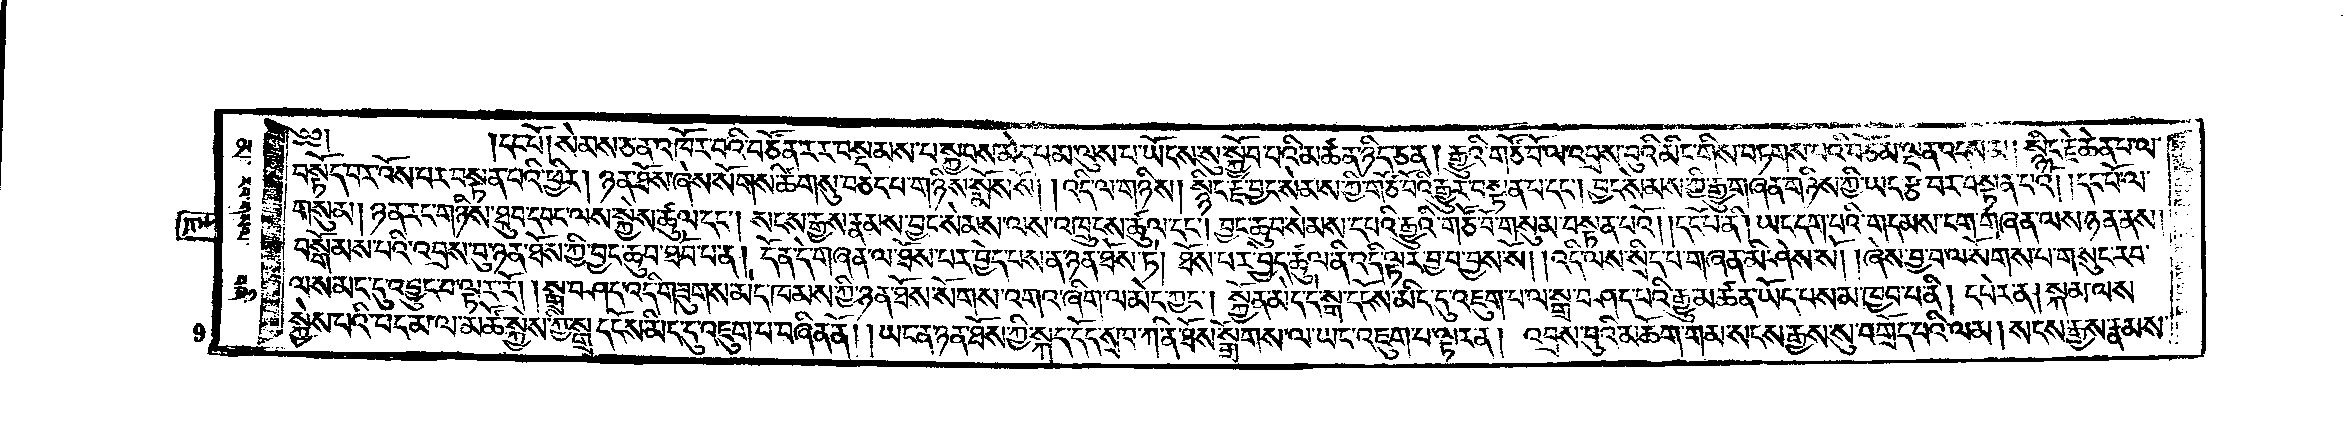༄༅། །དང་པོ། སེམས་ཅན་འཁོར་བའི་བརྩོན་རར་བསྡམས་པ་སྐྱབས་མེད་པ་མ་ལུས་པ་ཡོངས་སུ་སྐྱོབ་པའི་མཚན་ཉིད་ཅན། རྒྱུའི་གཙོ་བོ་ལ་འབྲས་བུའི་མིང་གིས་བཏགས་པའི་བཅོམ་ལྡན་འདས་མ། སྙིང་རྗེ་ཆེན་པོ་ལ་
བསྟོད་བར་འོས་པར་བསྟན་པའི་ཕྱིར། ཉན་ཐོས་ཞེས་སོགས་ཚིགས་སུ་བཅད་པ་གཉིས་སྨོས་སོ། །འདི་ལ་གཉིས། སྙིང་རྗེ་བྱང་སེམས་ཀྱི་གཙོ་བོའི་རྒྱུར་བསྟན་པ་དང་། བྱང་སེམས་ཀྱི་རྒྱུ་གཞན་གཉིས་ཀྱི་ཡང་རྩ་བར་བསྟན་པའོ། །དང་པོ་ལ་
གསུམ། ཉན་རང་གཉིས་ཐུབ་དབང་ལས་སྐྱེས་ཚུལ་དང་། སངས་རྒྱས་རྣམས་བྱང་སེམས་ལས་འཁྲུངས་ཚུལ་དང་། བྱང་ཆུབ་སེམས་དཔའི་རྒྱུའི་གཙོ་བོ་གསུམ་བསྟན་པའོ། །དང་པོ་ནི། ཡང་དག་པའི་གདམས་ངག་གཞན་ལས་ཉན་ནས།
བསྒོམས་པའི་འབྲས་བུ་ཉན་ཐོས་ཀྱི་བྱང་ཆུབ་ཐོབ་པ་ན། དོན་དེ་གཞན་ལ་ཐོས་པར་བྱེད་པས་ན་ཉན་ཐོས་ཏེ། ཐོས་པར་བྱེད་ཚུལ་ནི་འདི་ལྟར་བྱ་བ་བྱས་སོ། །འདི་ལས་སྲིད་པ་གཞན་མི་ཤེས་སོ། །ཞེས་བྱ་བ་ལ་སོགས་པ་གསུང་རབ་
ལས་མང་དུ་འབྱུང་བ་ལྟར་རོ། །སྒྲ་བཤད་འདི་གཟུགས་མེད་ཁམས་ཀྱི་ཉན་ཐོས་སོགས་འགའ་ཞིག་ལ་མེད་ཀྱང་། སྐྱོན་མེད་དེ་སྒྲ་དངོས་མིང་དུ་འཇུག་པ་ལ་སྒྲ་བཤད་པའི་རྒྱུ་མཚན་ཡོད་པས་མ་ཁྱབ་པ་ནི། དཔེར་ན། སྐམ་ལས་
སྐྱེས་པའི་པད་མ་ལ་མཚོ་སྐྱེས་ཀྱི་སྒྲ་དངོས་མིང་དུ་འཇུག་པ་བཞིན་ནོ། །ཡང་ན་ཉན་ཐོས་ཀྱི་སྐད་དོད་སྲ་བ་ཀ་ནི་ཐོས་སྒྲོགས་ལ་ཡང་འཇུག་པ་ལྟར་ན། འབྲས་བུའི་མཆོག་གམ་སངས་རྒྱས་སུ་བགྲོད་པའི་ལམ། སངས་རྒྱས་རྣམས་